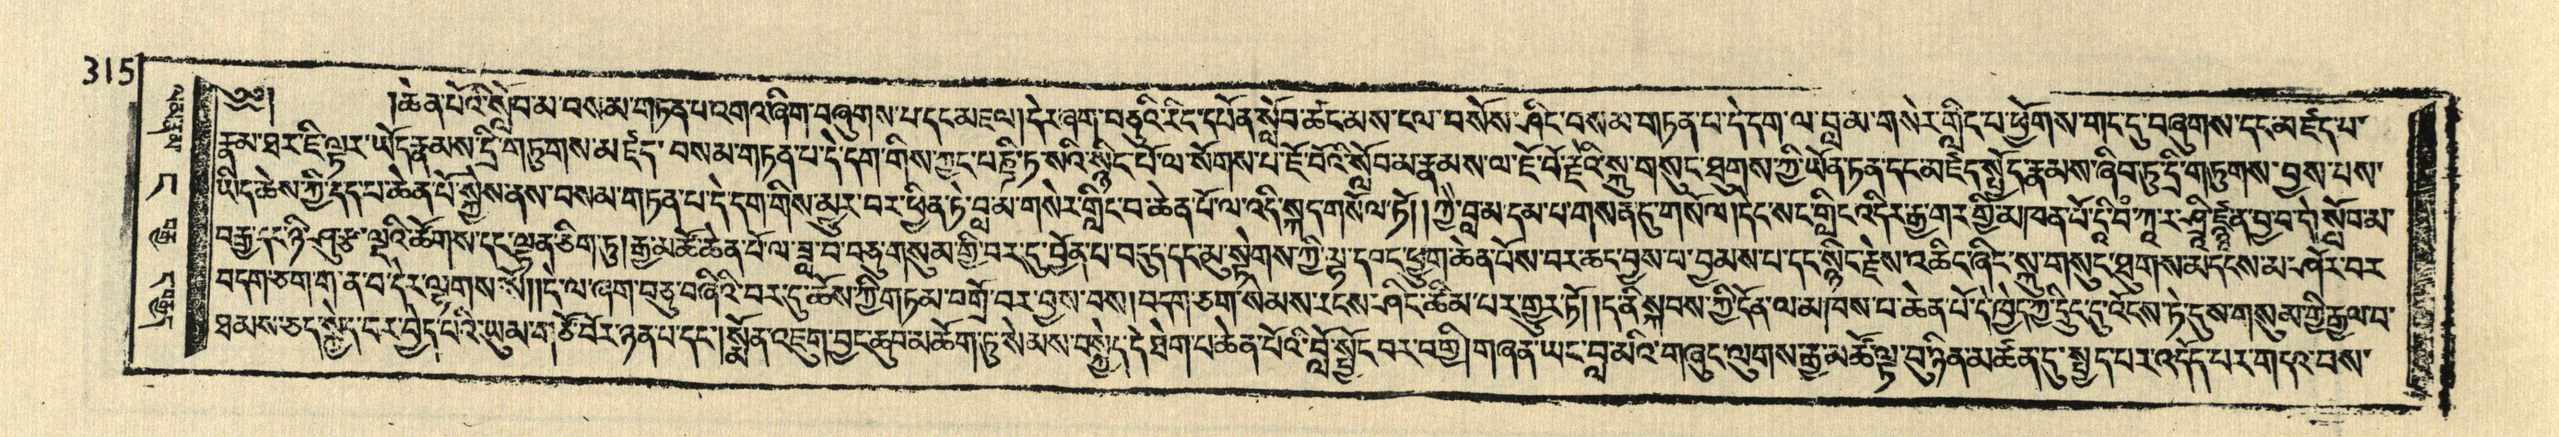༄༅། །ཆེན་པོའི་སློབ་མ་བསམ་གཏན་པ་འགའ་ཞིག་བཞུགས་པ་དང་མཇལ། དེར་ཞག་བཅུའི་རིང་དཔོན་སློབ་ཚང་མས་ངལ་བསོས་ཤིང་བསམ་གཏན་པ་དེ་དག་ལ་བླ་མ་གསེར་གླིང་པ་ཕྱོགས་གང་དུ་བཞུགས་དང་མཛད་པ་
རྣམ་ཐར་ཇི་ལྟར་ཡོད་རྣམས་དྲི་གཏུགས་མཛད་བསམ་གཏན་པ་དེ་དག་གིས་ཀྱང་པཎྜི་ཏ་སའི་སྙིང་པོ་ལ་སོགས་པ་ཇོ་བོའི་སློབ་མ་རྣམས་ལ་ཇོ་བོ་རྗེའི་སྐུ་གསུང་ཐུགས་ཀྱི་ཡོན་ཏན་དང་མཛད་སྤྱོད་རྣམས་ཞིབ་ཏུ་དྲི་གཏུགས་བྱས་པས་
ཡིད་ཆེས་ཀྱི་དད་པ་ཆེན་པོ་སྐྱེས་ནས་བསམ་གཏན་པ་དེ་དག་གིས་མྱུར་བར་ཕྱིན་ཏེ་བླ་མ་གསེར་གླིང་བ་ཆེན་པོ་ལ་འདི་སྐད་གསོལ་ཏོ། །ཀྱཻ་བླ་མ་དམ་པ་གསན་དུ་གསོལ། དེང་སང་གླིང་འདིར་རྒྱ་གར་གྱི་མཁན་པོ་དཱི་བཾ་ཀཱ་ར་ཤྲཱི་ཛྙཱ་ན་བྱ་བ་དེ། སློབ་མ་
བརྒྱ་དང་ཉི་ཤུ་རྩ་ལྔའི་ཚོགས་དང་ལྷན་ཅིག་ཏུ། རྒྱ་མཚོ་ཆེན་པོ་ལ་ཟླ་བ་བཅུ་གསུམ་གྱི་བར་དུ་བྱོན་པ་བདུད་དང་མུ་སྟེགས་ཀྱི་ལྷ་དབང་ཕྱུག་ཆེན་པོས་བར་ཆང་བྱས་པ་བྱམས་པ་དང་སྙིང་རྗེས་འཆིང་ཞིང་སྐུ་གསུང་ཐུགས་མདངས་མ་ཤོར་བར་
བདག་ཅག་ག་ན་བ་དེར་ལྷགས་སོ། །དེ་ལ་ཞག་བཅུ་བཞིའི་བར་དུ་ཆོས་ཀྱི་གཏམ་བགྲོ་བར་བྱས་བས། བདག་ཅག་སེམས་རངས་ཤིང་ཚིམ་པར་གྱུར་ཏོ། །ད་ནི་སྐབས་ཀྱི་དོན་ལ་མཁས་པ་ཆེན་པོ་དེ་ཁྱེད་ཀྱི་དྲུང་དུ་འོངས་ཏེ་དུས་གསུམ་གྱི་རྒྱལ་བ་
ཐམས་ཅད་སྐྱེད་བར་བྱེད་པའི་ཡུམ་གཙོ་བོར་ཉན་པ་དང་།སྨོན་འཇུག་བྱང་ཆུབ་མཆོག་ཏུ་སེམས་བསྐྱེད་དེ་ཐེག་པ་ཆེན་པོའི་བློ་སྤྱོང་བར་བགྱི། གཞན་ཡང་བླ་མའི་གཞུང་ལུགས་རྒྱ་མཚོ་ལྟ་བུ་ཉིན་མཚན་དུ་སྤྱད་པར་འདོད་པར་གདའ་བས་